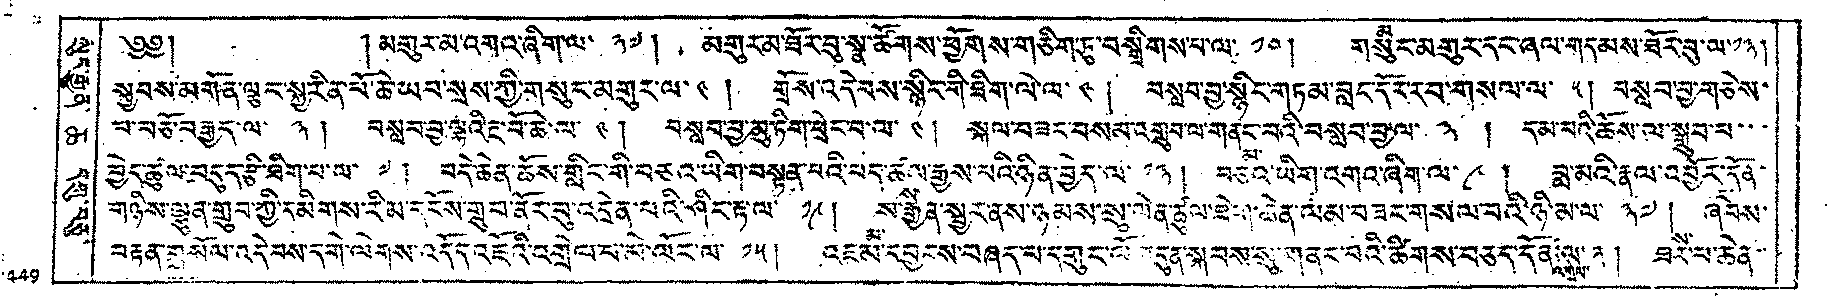༄༅། །མགུར་མ་འགའ་ཞིག་ལ ༢༧། མགུར་མ་ཐོར་བུ་སྣ་ཚོགས་ཕྱོགས་གཅིག་ཏུ་བསྒྲིགས་པ་ལ ༡༠། གསུང་མ་མགུར་དང་ཞལ་གདམས་ཐོར་བུ་ལ ༡༣།
སྐྱབས་མགོན་ལྕང་སྐྱ་རིན་པོ་ཆེ་ཡབ་སྲས་ཀྱི་གསུང་མགུར་ལ ༤། གྲོས་འདེབས་སྙིང་གི་ཐིག་ལེ་ལ ༤། བསླབ་བྱ་སྙིང་གཏམ་བླང་དོར་རབ་གསལ་ལ ༥། བསླབ་བྱ་གཅེས་
པ་བཅོ་བརྒྱད་ལ ༣། བསླབ་བྱ་ལྷའི་རྔ་བོ་ཆེ་ལ ༤། བསླབ་བྱ་མུ་ཏིག་ཕྲེང་བ་ལ ༤། སྐལ་བཟང་བསམ་འགྲུབ་ལ་གནང་བའི་བསླབ་བྱ་ལ ༣། དམ་པའི་ཆོས་ལ་སྒྲུབ་པ་
བྱེད་ཚུལ་བདུད་རྩི་ཐིག་པ་ལ ༧། བདེ་ཆེན་ཆོས་གླིང་གི་བཅའ་ཡིག་བསྟན་པའི་པད་ཚལ་རྒྱས་པའི་ཉིན་བྱེད་ལ ༡༣། བཅའ་མ་ཡིག་འགའ་ཞིག་ལ ༩། བླ་མའི་རྣལ་འབྱོར་དོན་
གཉིས་ལྷུན་གྲུབ་ཀྱི་དམིགས་རིམ་དངོས་གྲུབ་ནོར་བུ་འདྲེན་པའི་ཤིང་རྟ་ལ ༡༩། ས་རྒྱན་ས་སྦྱར་ནས་ཉམས་སུ་ལེན་ཚུལ་ཐེག་ཆེན་ལམ་བཟང་གསལ་བའི་ཉི་མ་ལ ༣༧། ཞབས་ར་
བརྟན་གསོལ་འདེབས་དགེ་ལེགས་འདོད་འཇོའི་འགྲེལ་བ་མེ་ལོང་ལ ༡༥། འཇམ་མ་དབྱངས་བཞད་པ་དགུང་ལོ་བདུན་སྐབས་སུ་གནང་བའི་ཚིགས་བཅད་དོན་འགྲེལ་ལ ༢། ཐར་ས་པ་ཆེན་